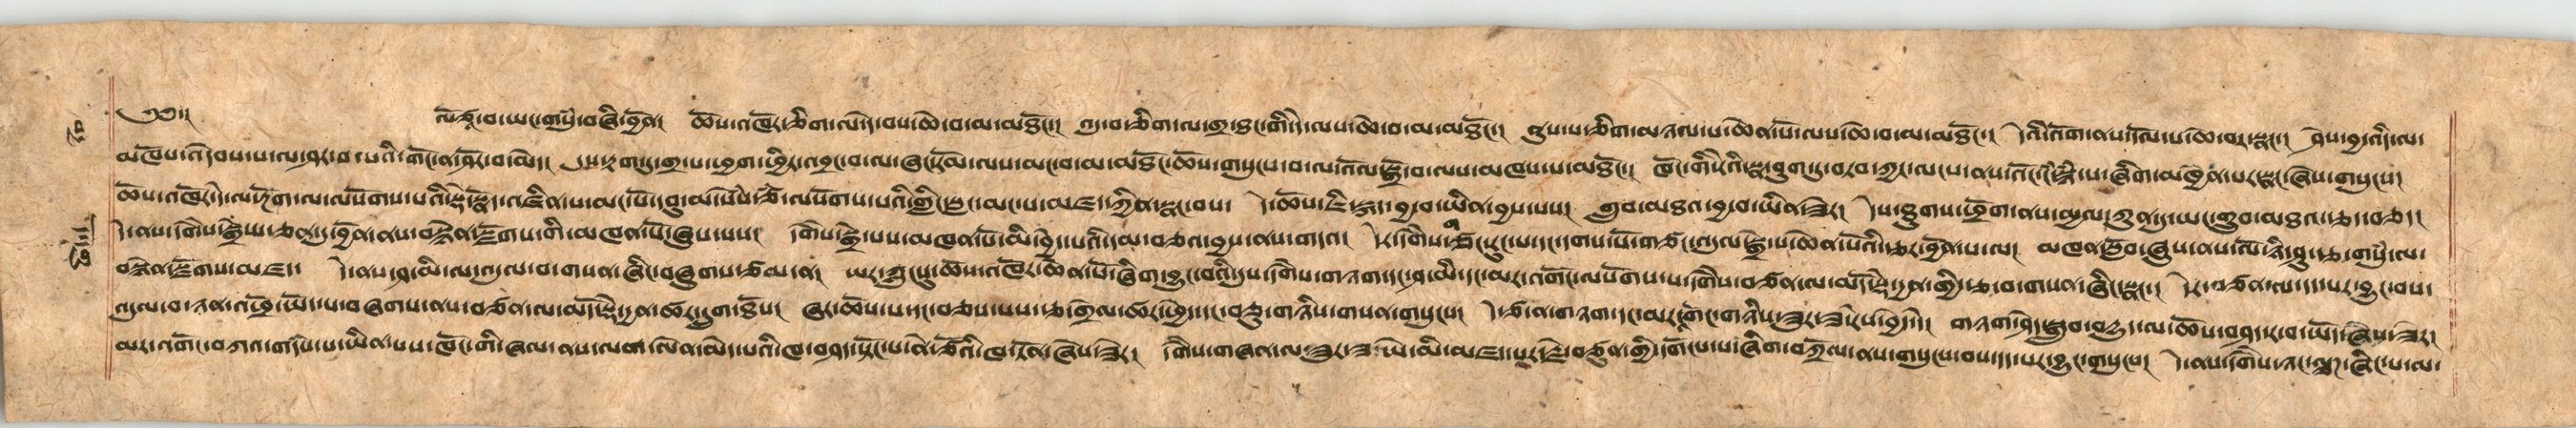ལོཙཱ་བ་ཡང་གསུཾ་བཞི་བྱོན། ཆོས་འཁོར་ཅིག་ལ་དེ་བས་ཆེ་བ་མ་མཐོང་། འདུ་བ་ཅིག་ལ་གྲ་ཐང་གི་དེ་ལས་ཆེ་བ་མ་མཐོང་། ནུས་པ་ཅིག་མཉལ་པ་ཆེན་པོ་ལས་ཆེ་བ་མ་མཐོང་། དེའི་འོག་ན་དོལ་པ་ཆེ་བར་སྣང་། ཤེས་བྱ་འདི་ལ་
མཁོས་འདེབས་པ་ལ་ཤར་བ་པའི་གོང་ན་ཤོར་བ་མེད། དུས་རྟག་དུ་གྲ་པ་ཕྱག་ཕྱིར་འབྲང་བ་ལ་ཞང་རོམ་ལས་མང་བ་མ་མཐོང་ཆོས་གསུངས་བ་ལ་འོལ་སྒྲོ་བ་ལས་མཁས་པ་མཐོང་། ཁོང་གི་རོའི་སྣ་བུག་ཏུ་བཏབ་ཀྱང་ལངས་ནས་འོང་ངཾ་སྙཾ་པ་ཞིག་མཁྱེན་པར་སྣང་ཞེས་གསུངས།
ཆོས་འཁོར་དེ་ལ་རྔོག་ལ་ལསོགས་པའི་སྡེ་སྣོད་འཛིན་པ་མང་པོ་དབུ་མ་སེཾས་ཙཾ་ལསོགས་པའི་གླིང་སླང་མང་པ་མཛད་ཀྱིན་སྣང་བས། དེ་ཆོས་ཇི་སྐད་བྱ་བ་ཡིན་བྱས་པས། གྲུབ་མཐའ་བྱ་བ་ཡིན་ཟེར། དེས་ཐུགས་ཕྲོག་ནས་མྱལ་ཀུན་དུ་ཡང་གྲུབ་མཐའ་རྩད་བཅད།
དེ་ནས་དགཻས་སྒྲེ་པ་ཅན་དུ་བྱོན་ནས་བསྙེན་སྫོགས་གི་མཁན་པོ་ཞུས་པས། དགཻས་སྒྲེ་པས་མཁན་པོ་མི་བྱེད་པའི་དམ་བཅའ་བྱས་ནས་གདའ། དེར་དགཻས་ཙང་རུང་པ་དང་དགས་པོ་གཙང་འདུལ་སྒྲེ་པ་ཆེན་པོའི་རྩར་བྱོན་པ་ལ། མཁན་སློབ་ཞུས་ནས་ལོ་ཉི་ཤུ་རྩ་གསུཾ་ལ་
བསྙེན་སྫོགས་མཛད། དེ་ནས་ཤ་མི་ལ་འདུལ་བ་གསན་ཅིང་བཞུགས་ཙམ་ན། ཡར་ཀླུངདུ་ཆོས་འཁོར་ཆེན་པོ་ཞིག་བྱུང་བའི་དུས་དགཻས་གཉག་དང་ཤ་མི་དང་མར་འགོང་ལསོགས་དགཻཔ་བཙན་ལ་མདོ་སྡེ་དྱན་གྱི་རྩ་བ་གསན་ཞིང་སྣང་། དེར་བཙན་ལ་དད་པར་བྱུང་བས་
འདུལ་བ་ཉན་འཕྲོ་ཡོད་པ་བཞགས་ནས་བཙན་ལ་མདོ་སྡེ་དྱན་ཚར་དྲུག་ཐོས། ཞར་ཆོས་པ་དང་བཅས་པས་རྩ་འགྲེལ་ཚར་ཕྱེད་དང་བཅུ་གཉིས་གསན་གསུངས། དེ་ཙ་ན་གཉག་དང་མར་འགོང་གཉིས་ཟུར་ཟ་རེས་བྱེད་དེ། གཉག་ཤེད་སྒྲུབ་བདྱུད་ལ་ཆོས་བཤད་ར་བ་ཡོད་ཞེས་ཟེར།
མར་འགོང་བཀའ་གདཾས་པ་ཡིན་པས་ཁོང་གི་ཞལ་ནས་ལག་ལེན་མེད་པའི་ཁ་བཤད་སྟོང་པ་ནེ་ཙོའི་ཁ་ཏོན་ཞེས་ཟེར། དགཻས་གཞན་ལ་ཟུར་ཟ་ཡེ་མི་མཛད་པར་རྗེ་བཙུན་གྱི་དགོངས་པ་ཞིག་བཀྲོལ་ནས་གསུངས་བས་དད་པར་བྱུང་གསུངས། དེ་ནས་དགཻས་ཉང་ལྕཌ་ཞིང་པ་ལ་